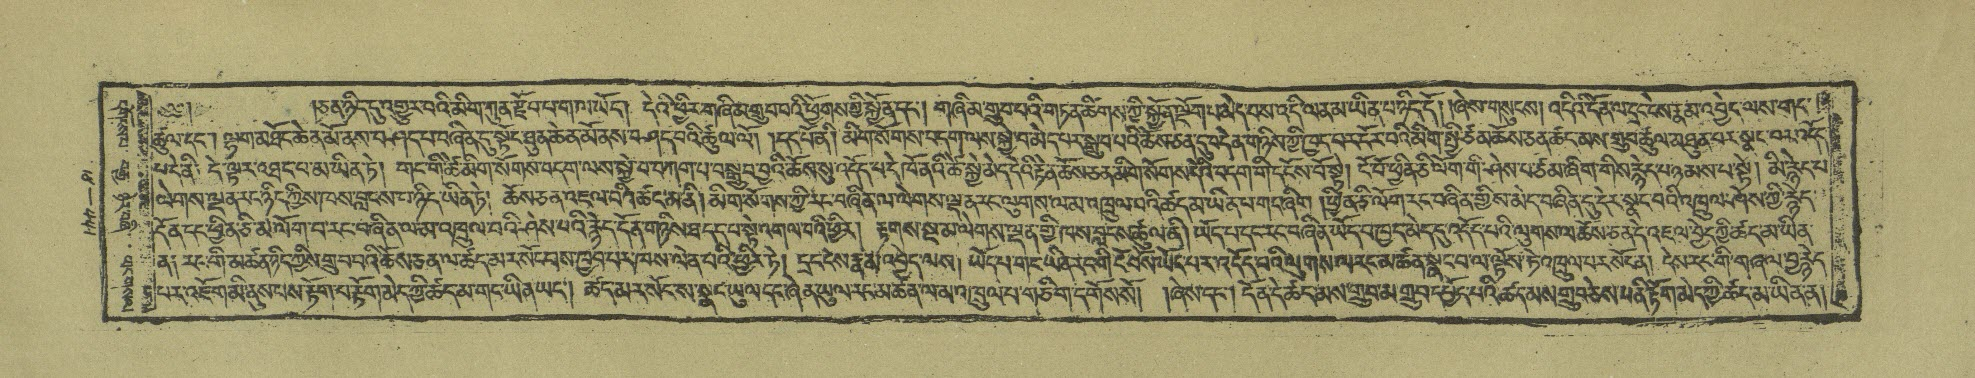༄༅། །ཅན་ཉིད་དུ་འགྱུར་བའི་མིག་ཀུན་རྫོབ་པ་ག་ལ་ཡོད། །དེའི་ཕྱིར་གཞི་མ་གྲུབ་པའི་ཕྱོགས་ཀྱི་སྐྱོན་དང་། གཞི་མ་གྲུབ་པའི་གཏན་ཚིགས་ཀྱི་སྐྱོན་ལྡོག་པ་མེད་པས་འདི་ལན་མ་ཡིན་པ་ཉིད་དོ། །ཞེས་གསུངས། འདིའི་དོན་ལ་དྲང་ངེས་རྣམ་འབྱེད་ལས་བཤད་
ཚུལ་དང་། ལྷག་མཐོང་ཆེན་མོ་ནས་བཤད་པ་བཞིན་དུ་སྟོང་ཐུན་ཆེན་མོ་ནས་བཤད་པའི་ཚུལ་ལོ། །དང་པོ་ནི། མིག་སོགས་བདག་ལས་སྐྱེ་བ་མེད་པར་སྒྲུབ་པའི་ཆོས་ཅན་དུ་བདེན་གཉིས་ཀྱི་ཁྱད་པར་ངོར་བའི་མིག་སྤྱི་ཙམ་ཆོས་ཅན་ཚད་མས་གྲུབ་ཚུལ་མཐུན་པར་སྣང་བར་འདོད་
པ་དེ་ནི། དེ་ལྟར་འཐད་པ་མ་ཡིན་ཏེ། གང་གི་ཚེ་མིག་སོགས་བདག་ལས་སྐྱེ་བ་བཀག་པ་བསྒྲུབ་བྱའི་ཆོས་སུ་འདོད་པ་དེ་ཁོ་ནའི་ཚེ་སྐྱེ་མེད་དེའི་རྟེན་ཆོས་ཅན་མིག་སོགས་དེའི་བདག་གི་དངོས་པོ་སྟེ། ངོ་བོ་ཕྱིན་ཅི་ལོག་གི་ཤེས་པ་ཙམ་ཞིག་གིས་རྙེད་པ་ཉམས་པ་སྟེ། མི་རྙད་པ་
ལེགས་ལྡན་རང་ཉིད་ཀྱིས་ཁས་བླངས་པ་ཉིད་ཡིན་ཏེ། ཆོས་ཅན་འཇལ་བའི་ཚང་མ་ནི། མིག་སོགས་ཀྱི་རང་བཞིན་ལ་ལེགས་ལྡན་རང་ལུགས་ལ་མ་འཁྲུལ་བའི་ཚད་མ་ཡིན་པ་གང་ཞིག །ཕྱིན་ཅི་ལོག་རང་བཞིན་གྱིས་མེད་བཞིན་དུ་དེར་སྣང་བའི་འཁྲུལ་ཤེས་ཀྱི་རྙེད་
དོན་དང་ཕྱིན་ཅི་མ་ལོག་པ་རང་བཞིན་ལ་མ་འཁྲུལ་བའི་ཤེས་པའི་རྙེད་དོན་གཉིས་ཐ་དད་པ་སྟེ་འགལ་བའི་ཕྱིར། རྟགས་སྔ་མ་ལེགས་ལྡན་གྱི་ཁས་བླངས་ཚུལ་ནི། ཡོད་པ་དང་རང་བཞིན་ཡོད་པ་ཁྱད་མེད་དུ་འདོད་པའི་ལུགས་ལ་ཆོས་ཅན་དེ་འཇལ་བྱེད་ཀྱི་ཚད་མ་ཡིན་
ན། རང་གི་མཚན་ཉིད་ཀྱིས་གྲུབ་པའི་ཆོས་ཅན་ལ་ཚད་མར་སོང་པས་ཁྱབ་པར་ཁས་ལེན་པའི་ཕྱིར་ཏེ། དྲང་ངེས་རྣམ་འབྱེད་ལས། ཡོད་པ་གང་ཡིན་རང་གི་ངོ་བོས་ཡོད་པར་འདོད་པའི་ལུགས་ལ་རང་མཚན་སྣང་བ་ལ་ལྟོས་ཏེ་འཁྲུལ་པར་སོང་ན། དེས་རང་གི་གཞལ་བྱ་རྙེད་
པར་འཇོག་མི་ནུས་པས་རྟོག་པ་རྟོག་མེད་ཀྱི་ཚད་མ་གང་ཡིན་ཡང་། ཚད་མར་སོང་ས་སྣང་ཡུལ་དང་ཞེན་ཡུལ་རང་མཚན་ལ་མ་འཁྲུལ་བ་གཅིག་དགོས་སོ། །ཞེས་དང་། དོན་དེ་ཚད་མས་གྲུབ་མ་གྲུབ་དཔྱོད་པའི་ཚད་མས་གྲུབ་ཅེས་པ་ནི་རྟོག་མེད་ཀྱི་ཚད་མ་ཡིན་ན།